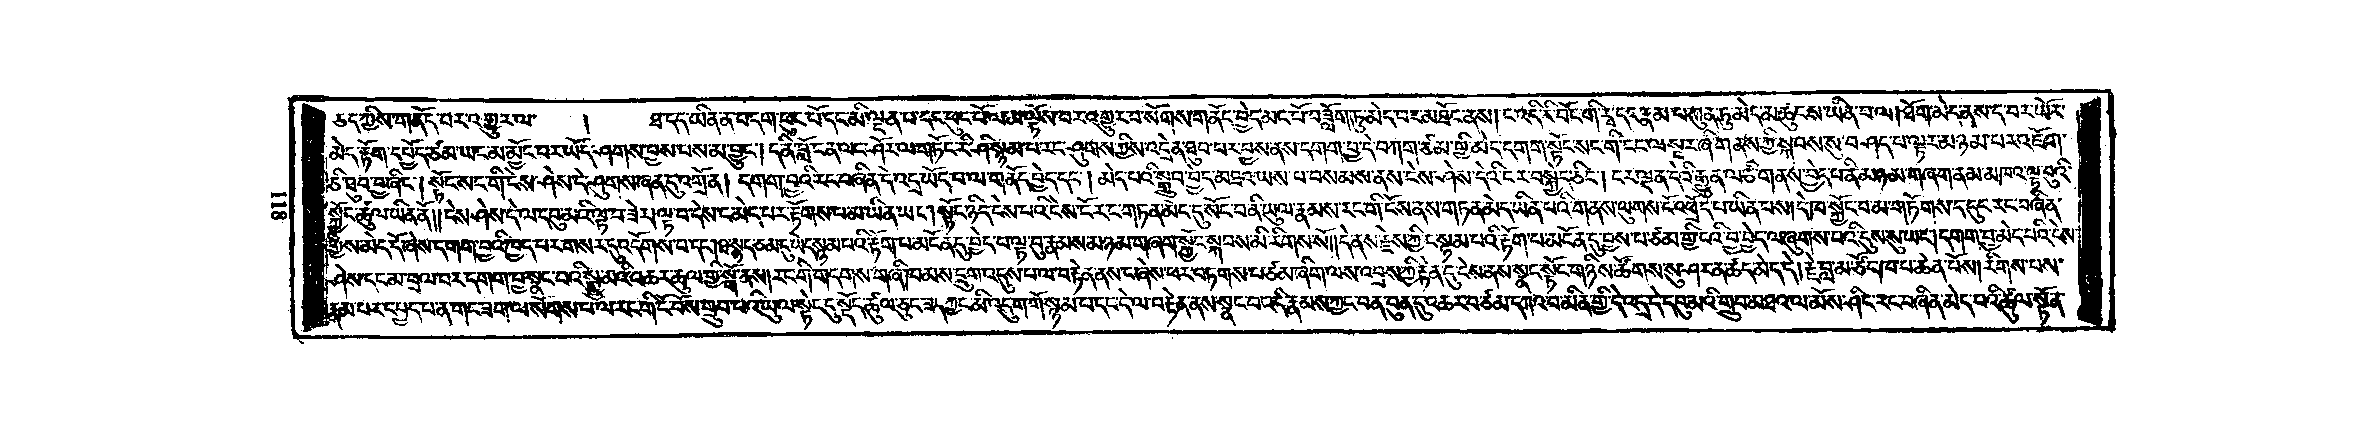ཅད་ཀྱིས་གནོད་པར་འགྱུར་ལ། ཐ་དད་ཡིན་ན་བདག་ཕུང་པོ་དང་མི་ལྡན་པ་དང་ཕུང་པོ་ལ་མ་ལྟོས་པར་འགྱུར་བ་སོགས་གནོད་བྱེད་མང་པོ་བཟློག་ཏུ་མེད་པར་མཐོང་ནས། ང་འདི་རི་བོང་གི་རྭ་དང་རྣམ་པ་ཀུན་ཏུ་མེད་མཚུངས་ཡིན་པ་ལ། ཐོག་མེད་ནས་ད་བར་ཡོར་
མེད་རྟོག་དཔྱོད་ཙམ་ཡང་མ་མྱོང་བར་ཡོད་ཤགས་བྱས་པས་མ་བྱུང་། ད་ནི་བློ་ངན་ལང་ཤོར་ལ་གཏོང་རི་ཤི་སྙམ་པ་རང་ཤུགས་ཀྱིས་འདྲེན་ཐུབ་པར་བྱས་ནས་དགག་བྱ་དེ་བཀག་ཙམ་གྱི་མེད་དགག་སྟོང་སང་གི་ངང་ལ་སྔར་ཞི་གནས་ཀྱི་སྐབས་སུ་བཤད་པ་ལྟར་མཉམ་པར་འཇོག་
ཅི་ཐུབ་བྱ་ཞིང་། སྟོང་སང་གི་ངེས་ཤེས་དེ་ཤུགས་ཞན་དུ་འགྲོན། དགག་བྱའི་རང་བཞིན་དེ་འདྲ་ཡོད་པ་ལ་གནོད་བྱེད་དང་། མེད་པའི་སྒྲུབ་བྱེད་མཐའ་ཡས་པ་བསམས་ནས་ངེས་ཤེས་དེའི་ངར་བསྐྱེད་ཅིང་། ངར་ལྡན་དེའི་རྒྱུན་ལ་ཅི་གནས་བྱེད་པ་ནི་མཉམ་གཞག་ནམ་མཁའ་ལྟ་བུའི་
སྐྱོང་ཚུལ་ཡིན་ནོ། །ངེས་ཤེས་དེ་ལ་དབུ་མའི་ལྟ་བ་ཟེར། ལྟ་བ་དེས་ང་མེད་པར་རྟོགས་པ་མ་ཡིན་ཡང་། སྟོང་ཉིད་ངེས་པའི་ངེས་ངོར་ང་གཏན་མེད་དུ་སོང་བ་ནི་ཡུལ་རྣམས་རང་གི་ངོས་ནས་གཏན་མེད་ཡིན་པའི་གནས་ལུགས་ངོ་འཕྲོད་པ་ཡིན་པས། དེ་ཁ་སྐྱོང་བ་མ་གཏོགས་ད་དུང་རང་བཞིན་
གྱིས་མེད་དོ་ཞེས་དགག་བྱའི་ཁྱད་པར་གསར་དུ་འདོགས་པ་དང་། ཐ་སྙད་ཅམ་དུ་ཡེད་སྙམ་པའི་རྟོག་པ་མངོན་དུ་བྱེད་པ་ལྟ་བུ་རྣམས་མཉམ་གཞག་སྐྱོང་སྐབས་མི་རིགས་སོ། །དེ་ནས་རྗེས་ཀྱི་ང་སྙམ་པའི་རྟོག་པ་མངོན་དུ་བྱས་པ་ཙམ་གྱི་ངའི་བྱ་བྱེད་ལ་ཞུགས་པའི་དུས་སུ་ཡང་། དགག་བྱ་མེད་པའི་ངེས་
ཤེས་དང་མ་བྲལ་བར་དགག་བྱ་སྣང་བའི་སྒྱུ་མའི་འཆར་ཆུལ་གྱི་སྒོ་ནས། རང་གི་གདགས་གཞི་ཁམས་དྲུག་འདུས་པ་ལ་བརྟེན་ནས་ང་ཞེས་ཕར་བཏགས་པ་ཙམ་ཞིག་ལས་འབྲས་ཀྱི་རྟེན་དུ་ངེས་ནས་སྣང་སྟོང་གཉིས་ཚོགས་སུ་ཤར་ན་ཚད་མེད་དེ། རྗེ་བླ་མ་ཙོང་ཁ་པ་ཆེན་པོས། རིགས་པས་
རྣམ་པར་དཔྱད་པ་ན་གང་ཟག་ལ་སོགས་པ་ལ་རང་གི་ངོ་བོས་གྲུབ་པའི་ཡུལ་སྟེང་དུ་སྡོད་ཚུལ་ཅུང་ཟད་ཀྱང་མི་འདུག་གོ་སྙམ་པ་དང་དེ་ལ་བརྟེན་ནས་སྣང་བ་འདི་རྣམས་ཀྱང་བན་བུན་དུ་འཆར་བ་ཙམ་དཀའ་བ་མིན་གྱི་དེ་འདྲ་དེ་དབུ་མའི་གྲུབ་མཐའ་ལ་མོས་ཤིང་རང་བཞིན་མེད་པའི་ཚུལ་སྟོན་